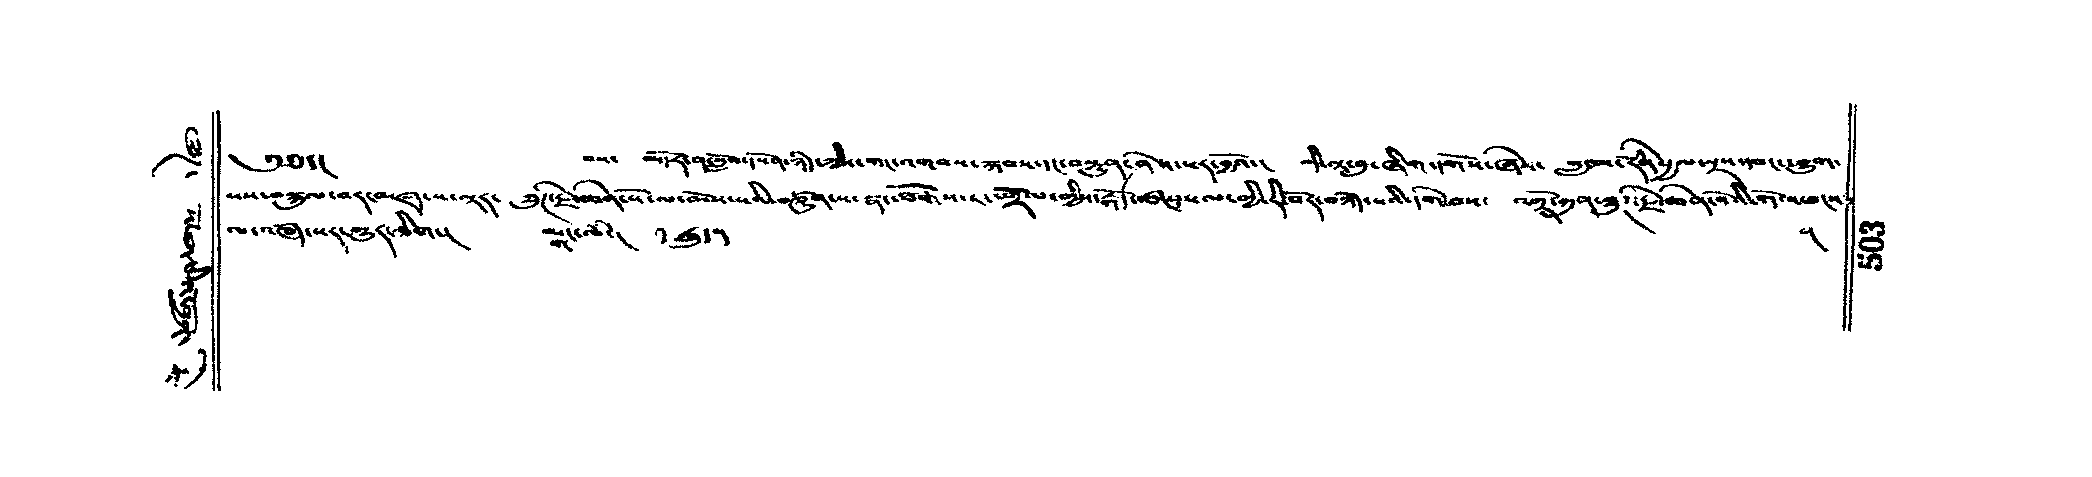བས། མདོར་ན་སློབ་དཔོན་ཉིད་ཀྱིས་གང་འགབས་སྐབས་དང་བསྟུན་ཤེས་པར་བྱའོ། འདི་ལྟ་བུ་ཞིག་དགོས་ཞེས་བླ་མ་རིན་པོ་ཆེ་རྒྱལ་སྲས་དབང་ཕྱུག་
པས་བསྐུལ་བར་མཛད་པ་ལྟར། ཐུགས་རྗེ་ཆེན་པོ་ལ་མོས་པའི་བཙུན་པ་སྣ་ཚོགས་རང་གྲོལ་གྱིས་རྒོད་ཚང་དཔལ་གྱི་རི་བོར་བཀོད་པའི་དགེ་བས།འགྲོ་ཀུན་ཐུགས་རྗེ་ཆེན་པོའི་གོ་འཕང་
ལ་འཁོད་པར་གྱུར་ཅིག་ མངྒ་ལམ།